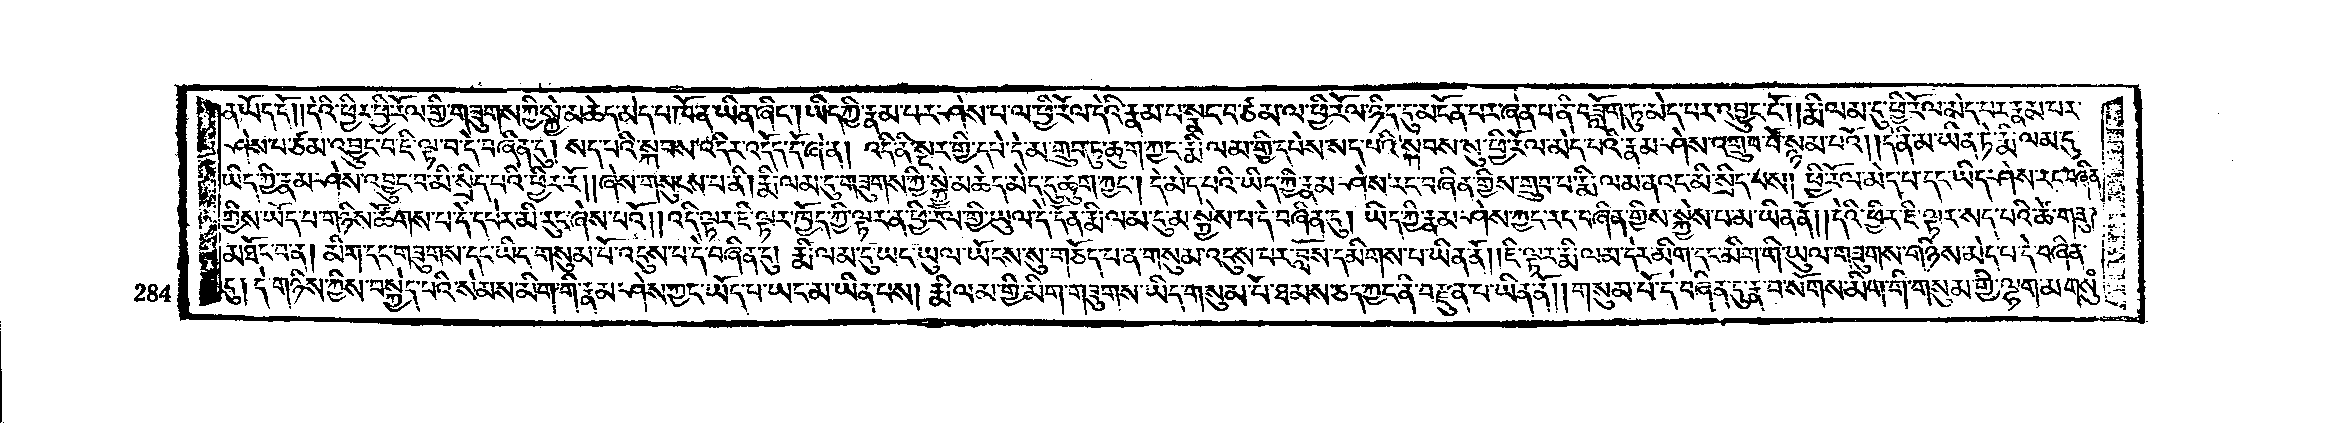ན་ཡོད་དོ། །དེའི་ཕྱིར་ཕྱི་རོལ་གྱི་གཟུགས་ཀྱི་སྐྱེ་མཆེད་མེད་པ་ཁོ་ན་ཡིན་ཞིང་། ཡིད་ཀྱི་རྣམ་པར་ཤེས་པ་ལ་ཕྱི་རོལ་དེའི་རྣམ་པ་སྣང་བ་ཙམ་ལ་ཕྱི་རོལ་ཉིད་དུ་མངོན་པར་ཞེན་པ་ནི་བཟློག་ཏུ་མེད་པར་འབྱུང་ངོ། །རྨི་ལམ་དུ་ཕྱི་རོལ་མེད་པར་རྣམ་པར་
ཤེས་པ་ཙམ་འབྱུང་བ་ཇི་ལྟ་བ་དེ་བཞིན་དུ། སད་པའི་སྐབས་འདིར་འདོད་དོ་ཞེ་ན། འདི་ནི་སྔར་གྱི་དཔེ་དེ་མ་གྲུབ་ཏུ་ཆུག་ཀྱང་རྨི་ལམ་གྱི་དཔེས་སད་པའི་སྐབས་སུ་ཕྱི་རོལ་མེད་པའི་རྣམ་ཤེས་འགྲུབ་བོ་སྙམ་པའོ། །དེ་ནི་མ་ཡིན་ཏེ་རྨི་ལམ་དུ་
ཡིད་ཀྱི་རྣམ་ཤེས་འབྱུང་བ་མི་སྲིད་པའི་ཕྱིར་རོ། །ཞེས་གསུངས་པ་ནི། རྨི་ལམ་དུ་གཟུགས་ཀྱི་སྐྱེ་མཆེད་མེད་དུ་ཆུག་ཀྱང་། དེ་མེད་པའི་ཡིད་ཀྱི་རྣམ་ཤེས་རང་བཞིན་གྱིས་གྲུབ་པ་རྨི་ལམ་ནའང་མི་སྲིད་པས། ཕྱི་རོལ་མེད་པ་དང་ཡིད་ཤེས་རང་བཞིན་
གྱིས་ཡོད་པ་གཉིས་ཚོགས་པ་དེ་དཔེར་མི་རུང་ཞེས་པའོ། །འདི་ལྟར་ཇི་ལྟར་ཁྱོད་ཀྱི་ལྟར་ན་ཕྱི་རོལ་གྱི་ཡུལ་དེ་དོན་རྨི་ལམ་དུ་མ་སྐྱེས་པ་དེ་བཞིན་དུ། ཡིད་ཀྱི་རྣམ་ཤེས་ཀྱང་རང་བཞིན་གྱིས་སྐྱེས་པ་མ་ཡིན་ནོ། །དེའི་ཕྱིར་ཇི་ལྟར་སད་པའི་ཚེ་གཟུགས་
མཐོང་བ་ན། མིག་དང་གཟུགས་དང་ཡིད་གསུམ་པོ་འདུས་པ་དེ་བཞིན་དུ། རྨི་ལམ་དུ་ཡང་ཡུལ་ཡོངས་སུ་གཅོད་པ་ན་གསུམ་འདུས་པར་བློས་དམིགས་པ་ཡིན་ནོ། །ཇི་ལྟར་རྨི་ལམ་དེར་མིག་དང་མིག་གི་ཡུལ་གཟུགས་གཉིས་མེད་པ་དེ་བཞིན་
དུ། དེ་གཉིས་ཀྱིས་བསྐྱེད་པའི་སེམས་མིག་གི་རྣམ་ཤེས་ཀྱང་ཡོད་པ་ཡང་མ་ཡིན་པས། རྨི་ལམ་གྱི་མིག་གཟུགས་ཡིད་གསུམ་པོ་ཐམས་ཅད་ཀྱང་ནི་བརྫུན་པ་ཡིན་ནོ། །གསུམ་པོ་དེ་བཞིན་དུ་རྣ་བ་སོགས་མིག་གི་གསུམ་གྱི་ལྷག་མ་གསུམ་